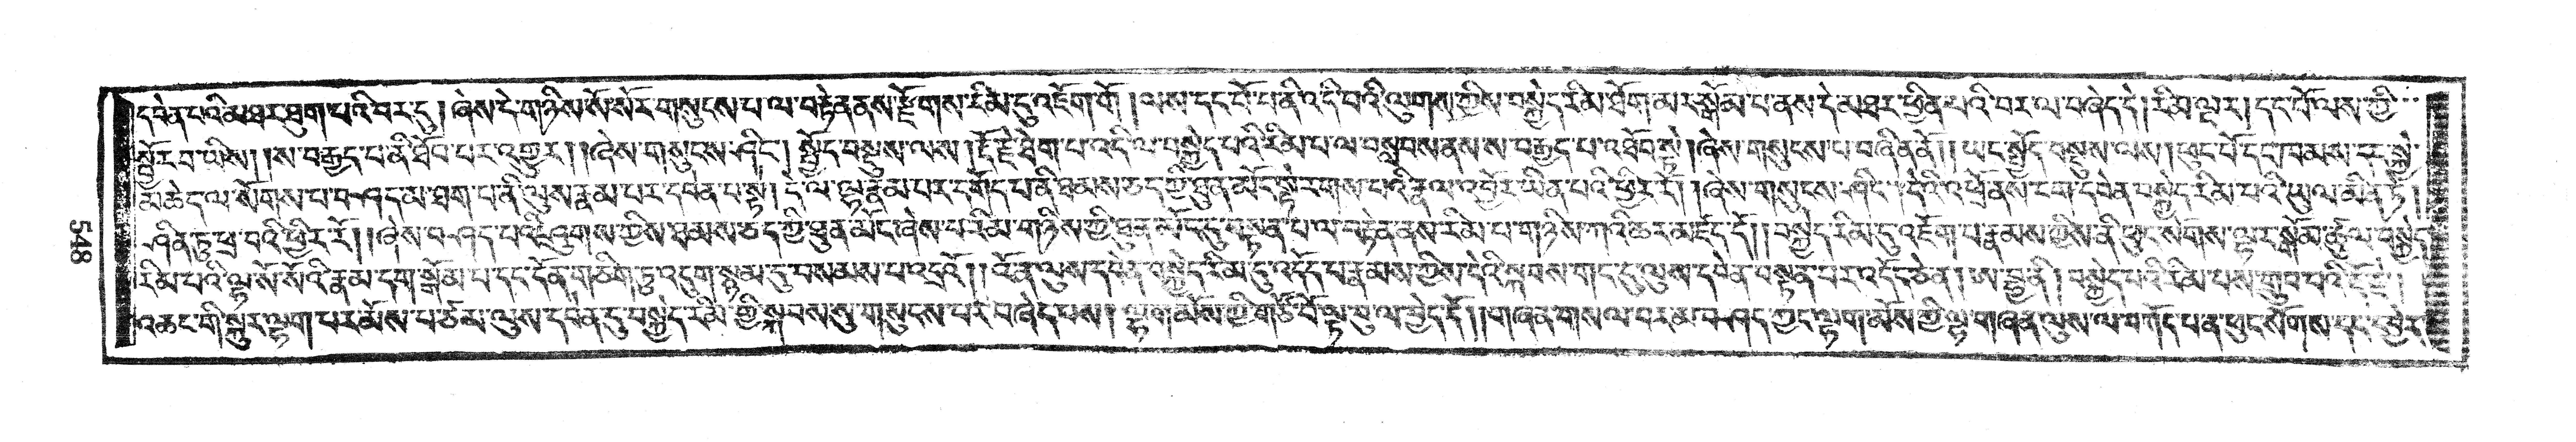དབེན་པའི་མཐར་ཐུག་པའི་བར་དུ། ཞེས་དེ་གཉིས་སོ་སོར་གསུངས་པ་ལ་བརྟེན་ནས་རྫོགས་རིམ་དུ་འཇོག་གོ །ལས་དང་པོ་པ་ནི་འདི་པའི་ལུགས་ཀྱིས་བསྐྱེད་རིམ་ཐོག་མར་སྒོམ་པ་ནས་དེ་མཐར་ཕྱིན་པའི་བར་ལ་བཞེད་དེ། རིམ་ལྔར། དང་པོ་ལས་ཀྱི་
སྦྱོར་བ་ཡིས། །ས་བརྒྱད་པ་ནི་ཐོབ་པར་འགྱུར། །ཞེས་གསུངས་ཤིང་།སྤྱོད་བསྡུས་ལས། རྡོ་རྗེ་ཐེག་པ་འདི་ལ་བསྐྱེད་པའི་རིམ་པ་ལ་བསླབས་ནས་ས་བརྒྱད་པ་འཐོབ་སྟེ། ཞེས་གསུངས་པ་བཞིན་ནོ། །ཡང་སྤྱོད་བསྡུས་ལས། ཕུང་པོ་དང་ཁམས་དང་སྐྱེ་
མཆེད་ལ་སོགས་པ་བཤད་མ་ཐག་པ་ནི་ལུས་རྣམ་པར་དབེན་པ་སྟེ། དེ་ལ་ལྷ་རྣམ་པར་དགོད་པ་ནི་ཐམས་ཅད་ཀྱི་ཐུན་མོང་སྟེ་རགས་པའི་རྣལ་འབྱོར་ཡིན་པའི་ཕྱིར་རོ། །ཞེས་གསུངས་ཤིང་།དེའི་འཕྲོ་ནས་ངག་དབེན་བསྐྱེད་རིམ་པའི་ཡུལ་མིན་ཏེ།
ཤིན་ཏུ་ཕྲ་བའི་ཕྱིར་རོ། །ཞེས་བཤད་པའི་ཤུགས་ཀྱིས་ཐམས་ཅད་ཀྱི་ཐུན་མོང་ཞེས་པ་རིམ་གཉིས་ཀྱི་ཐུན་མོང་དུ་བསྟན་པ་ལ་བརྟེན་ནས་རིམ་པ་གཉིས་ཀའི་ཆར་མཛད་དོ། །བསྐྱེད་རིམ་དུ་འཇོག་པ་རྣམས་ཀྱིས་ནི་ཕུང་སོགས་ལྷར་སྒོམ་ཚུལ་བསྐྱེད་
རིམ་པའི་ལྷ་སོ་སོའི་རྣམ་དག་སྒོམ་པ་དང་དོན་གཅིག་ཏུ་འདུག་སྙམ་དུ་བསམས་པ་འདྲའོ། །འོ་ན་ལུས་དབེན་བསྐྱེད་རིམ་དུ་འདོད་པ་རྣམས་ཀྱིས་དེའི་སྐབས་གང་དུ་ལུས་དབེན་བསྟན་པར་འདོད་ཅེ་ན། ཨ་བྷྱ་ནི། བསྐྱེད་པའི་རིམ་པས་གྲུབ་པའི་རྡོ་རྗེ་
འཆང་གི་སྐུར་ལྷག་པར་མོས་པ་ཙམ་ལུས་དབེན་དུ་བསྐྱེད་རིམ་གྱི་སྐབས་སུ་གསུངས་པར་བཞེད་པས། ལྷག་མོས་ཀྱི་གཙོ་བོ་ལྟ་བུ་ལ་བྱེད་དོ། །གཞན་གསལ་བར་མ་བཤད་ཀྱང་ལྷག་མོས་ཀྱི་ལྷ་གཞན་ལུས་ལ་བཀོད་པ་ན་ཕུང་སོགས་དང་དབྱེར་